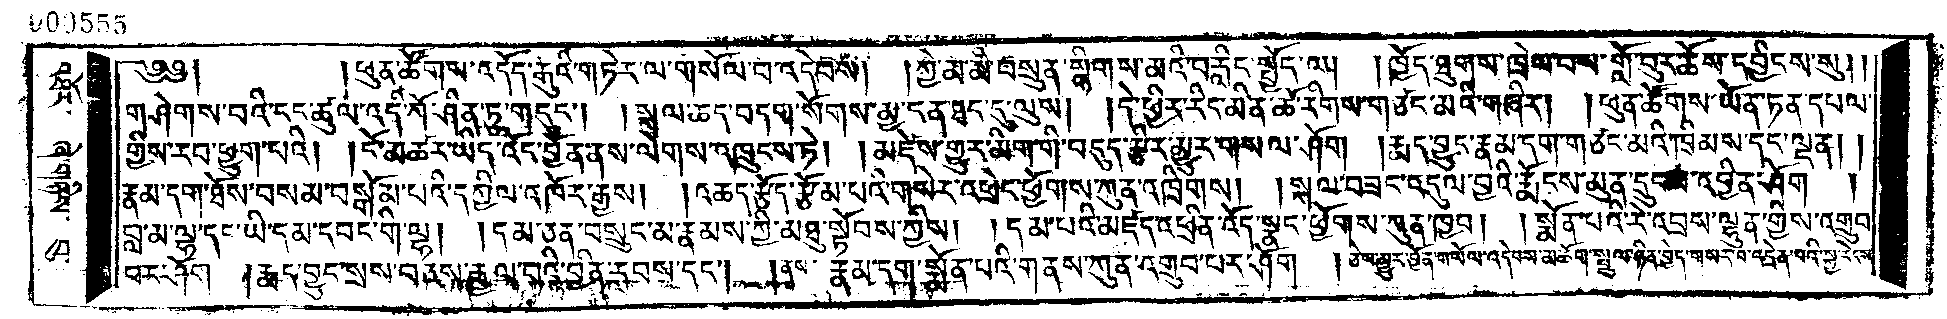༄༅། །ཕུན་ཚོགས་འདོད་རྒུའི་གཏེར་ལ་གསོལ་བ་འདེབས། །ཀྱེ་མ་མི་བསྲུན་སྙིགས་མའི་བརླིང་སྤྱོད་ལ། །ཁྱོད་ཐུགས་ཁྲེལ་བས་གློ་བུར་ཆོས་དབྱིངས་སུ། །
གཤེགས་བའི་ངང་ཚུལ་འདི་ཀོ་ཤིན་ཏུ་གདུང་། །སྐལ་ཆད་བདག་སོགས་མྱ་ངན་ཐང་དུ་ལུས། །དེ་ཕྱིར་རིང་མིན་ཚེ་རིགས་གཙང་མའི་གཞིར། །ཕུན་ཚོགས་ཡོན་ཏན་དཔལ་
གྱིས་རབ་ཕྱུག་པའི། །ངོ་མཚར་ཡིད་འོང་བྱོན་ནས་ལེགས་འཁྲུངས་ཏེ། །མཛེས་གྱུར་མིག་གི་བདུད་རྩིར་མྱུར་གསལ་ཤོག །རྨད་བྱུང་རྣམ་དག་གཙང་མའི་ཁྲིམས་དང་ལྡན། །
རྣམ་དག་ཐོས་བསམ་བསྒོམ་པའི་དཀྱིལ་འཁོར་རྒྱས། །འཆད་རྩོད་རྩོམ་པའི་གསེར་འཕྲེང་ཕྱོགས་ཀུན་འཁྲིགས། །སྐལ་བཟང་འདུལ་བྱའི་རྨོངས་མུན་དྲུངས་འབྱིན་ཤོག །
བླ་མ་ལྷ་དང་ཡི་དམ་དབང་གི་ལྷ། །དམ་ཅན་བསྲུང་མ་རྣམས་ཀྱི་མཐུ་སྟོབས་ཀྱིས། །དམ་པའི་མཛད་འཕྲིན་འོད་སྣང་ཕྱོགས་ཀུན་ཁྱབ། །སྨོན་པའི་རེ་འབྲས་ལྷུན་གྱིས་འགྲུབ་
བར་ཤོག །རྨད་བྱུང་སྲས་བཅས་རྒྱལ་བའི་བྱིན་རླབས་དང་། ། ནས་རྣམ་དག་སྨོན་པའི་གནས་ཀུན་འགྲུབ་པར་ཤོག །ཅེས་མྱུར་བྱོན་གསོལ་འདེབས་མཆོག་སྤྲུལ་ཉིན་བྱེད་གསར་བ་འདྲེན་པའི་སྐྱ་རེངས་